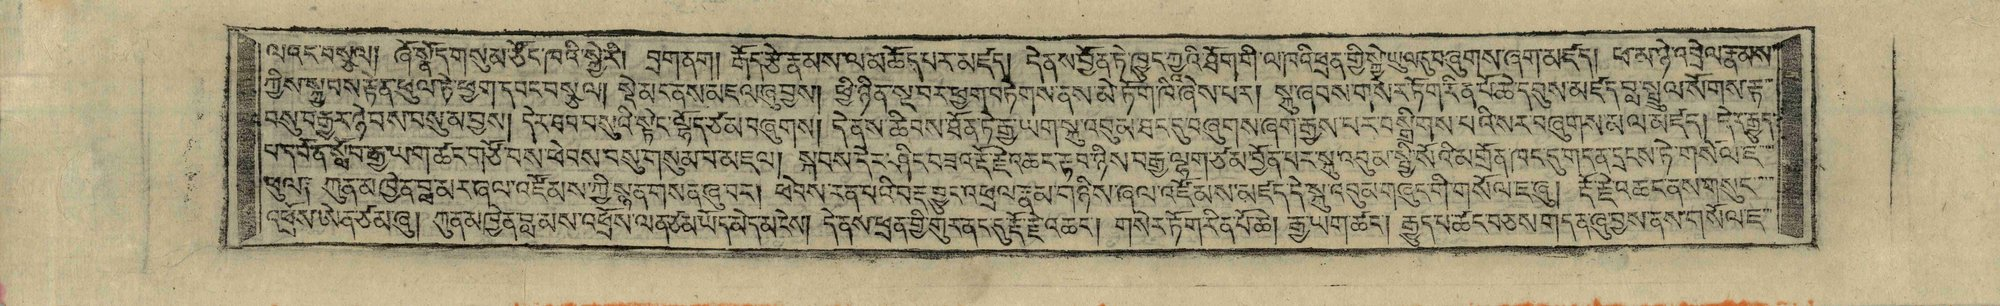ལའང་བསྩལ། ཞོ་སྣོད་གསུམ་ཙོང་ཁའི་སྐྱེ་རི། བྲག་ནག །རྒོད་རྩེ་རྣམས་ལ་མཆོད་པར་མཛད། དེ་ནས་བྱོན་ཏེ་ཁྱུང་ཀྱཱའི་ཐོག་གི་ལ་ཁའི་ཕྲན་གྱི་སྐྱེ་ཡུལ་དུ་བཞུགས་ཞག་མཛད། ཕ་མ་ཉེ་འབྲེལ་རྣམས་
ཀྱིས་སྐྱབས་རྟེན་ཕུལ་ཏེ་ཕྱག་དབང་བསྩལ། སྡེ་མང་ནས་མཇལ་ཞུ་བྱས། ཕྱི་ཉིན་སྔ་བར་ཕྱག་བཏེགས་ནས་མེ་ཏོག་ཁི་ཞེས་པར། སྐུ་ཞབས་གསེར་ཏོག་རིན་པོ་ཆེ་དབུས་མཛད་བླ་སྤྲུལ་སོགས་རྟ་
བསུ་བརྒྱར་ཉེ་བས་བསུ་མ་བྱས། དེར་ཐབ་བསུའི་སྟེང་ལྷོད་ཙམ་བཞུགས། དེ་ནས་ཆིབས་ཐོན་ཏེ་རྒྱ་ཡག་སྐུ་འབུམ་ཐང་དུ་བཞུགས་ཞག་རྒྱས་པར་བསྒྲིགས་པའི་སར་བཞུགས་མལ་མཛད། དེར་རྒྱུད་
པ་དཔོན་སློབ་རྒྱ་ཡག་ཚང་གཙོ་བས་ཕེབས་བསུ་གསུམ་པ་མཇལ། སྐབས་དེར་ཤིང་བཟའ་རྡོ་རྗེ་འཆང་རྟབ་ཉིས་བརྒྱ་ལྷག་ཙམ་བྱོན་པར་སྐུ་འབུམ་སྤྱི་སོའི་མགྲོན་ཁང་དུ་གདན་དྲངས་ཏེ་གསོལ་ཇ་
ཕུལ༑ ཀུན་མཁྱེན་བླ་མར་ཞལ་འཛོམས་ཀྱི་སྙན་གསན་ཞུ་བར། ཕེབས་རན་པའི་བརྡ་བྱུང་འཕྲལ་རྣམ་གཉིས་ཞལ་འཛོམས་མཛད་དེ་སྐུ་འབུམ་གཞུང་གི་གསོལ་ཇ་ཞུ། རྡོ་རྗེ་འཆང་ནས་གསུང་
འཕྲོས་ཨེན་ཙམ་ཞུ། ཀུན་མཁྱེན་བླ་མས་འཕྲོས་ལན་ཙམ་ཡོད་མེད་མ་ངེས། དེ་ནས་ཕྲན་གྱི་གུར་ནང་དུ་རྡོ་རྗེ་འཆང་། གསེར་ཏོག་རིན་པོ་ཆེ། རྒྱ་ཡག་ཚང་། རྒྱུད་པ་ཚང་བཅས་གདན་ཞུ་བྱས་ནས་གསོལ་ཇ་